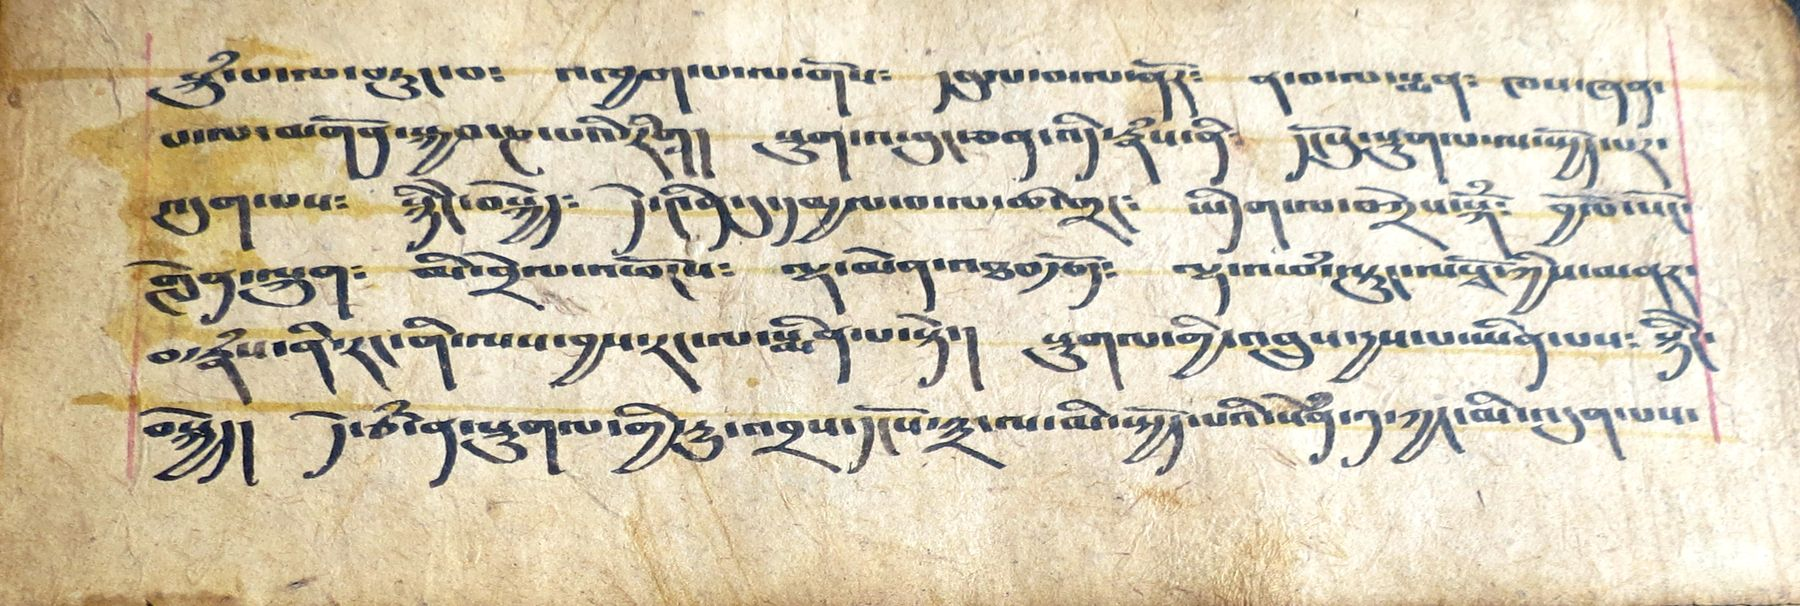སྐོམ་པ་ལ་བཏུང་བ། འཁྱགས་པ་ལ་གོས། དབུལ་བ་ལ་ནོར། ན་བ་ལ་སྨན། ཁས་ཞན་
ལ་སོགས་ལ་མགོན་སྐྱབས་མེད་པའི་རིགས། སྡུག་བསྔལ་ཕོངས་ཅན་འདི་རྣམས་ནི། དངོས་སུ་སྡུག་བསྔལ་ལ་སྤྱོད་པར་
འདུག་པས། སྙིང་རྗེ་བསྐྱེད། དེ་བཞིན་དུ། དམྱལ་བ་ཚ་གྲང་། ཡི་དྭགས་བཀྲེས་སྐོམ། བྱོལ་སོང་
གླེན་ལྐུགས། མི་བྲེལ་འཕོངས། ལྷ་མིན་འཐབ་རྩོད། ལྷ་ཕམ་ལྟུང་ལ་སོགས་ཀྱིས་མནར་
བ་རྣམས་ནི་རང་གི་རང་བྱས་རང་ལ་སྨིན་པ་སྟེ། སྡུག་བསྔལ་གྱིས་འབྲས་བུ་རྒྱས་པ་ཡིན་པས། སྙིང་རྗེ་
བསྐྱེད། དེ་ཙམ་ན་སྡུག་བསྔལ་གྱི་རྒྱུ་འབྲས་མངོན་སུམ་ལ་མི་སྤྱོད་པའི་སེམས་ཅན་གཅིག་ཀྱང་མི་འདུག་པས།